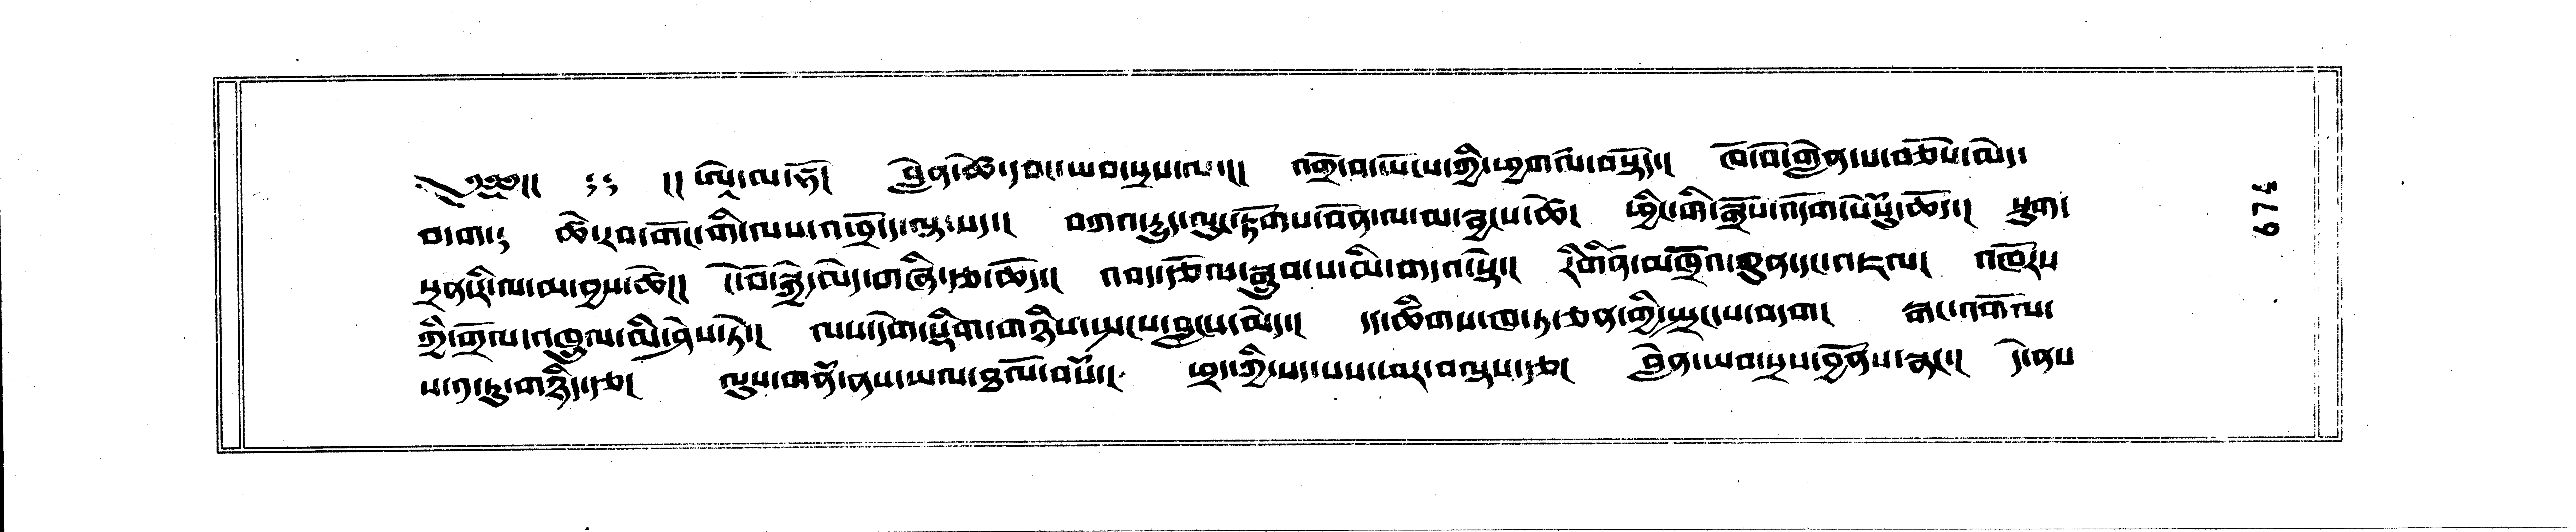༄༅།། ཨེ་མ་ཧོ། བླ་ཆེན་ཚེ་དབང་ཡབ་སྲས་ལ། འགྲོ་བ་ཡོངས་ཀྱིས་ཕྱག་འཚལ་བསྟོད། ཁོའོ་གླན་༼གླེན༽པ་བཅོས་མེད་
བདག ཚེ་གོང་གིས་ལས་འཕྲོ་ད་ལྟ་སད། བཀའ་ལུང་བོན་ལ་མ་སྦྱང་སྟེ། ཕྱི་ནང་སྒྲོས་འདོགས་སེམས་སུ་ཆོད། སྡུག་
བསྔལ་དྲན་རིག་ལམ་བྱས་ཏེ། ཁོ་བོས་”ངོ་བོ”སྐྱེ་མེད་གཞི་རྩ་ཆོད། འབད་རྩོལ་སྒྲུབས་གྲན་མི་གདའ་སྟེ། རིག་འཛིན་མཁའ་འགྲོ་ཀུན་དང་མཇལ། འཁོར་
འདས་གྲོལ་འཁྲུལ་མི་ཤེས་ཏེ། ལས་ལ་དགེ་སྡིག་བྲལ་བས་སྤང་བླང་མེན། ཚིག་ཁ་ལྟ་ཅན་གྱིས་སྤྲང་པོ་བདག སྒང་མ་ཐོག་
ས་གཅིག་ན་གཉིད་སིན་ཙ། ལུས་གནམ་ལ་ཡར་ནས་ཐལ་བསྙམ། བྲད་”ཕྲད”ཀྱིས་སད་ན་”པས”ཕར་བལྟས་ཛ། བླ་ཆེན་ཡབ་སྲས་བྱོན་ནས་སྣང་། །དེ་ནས་